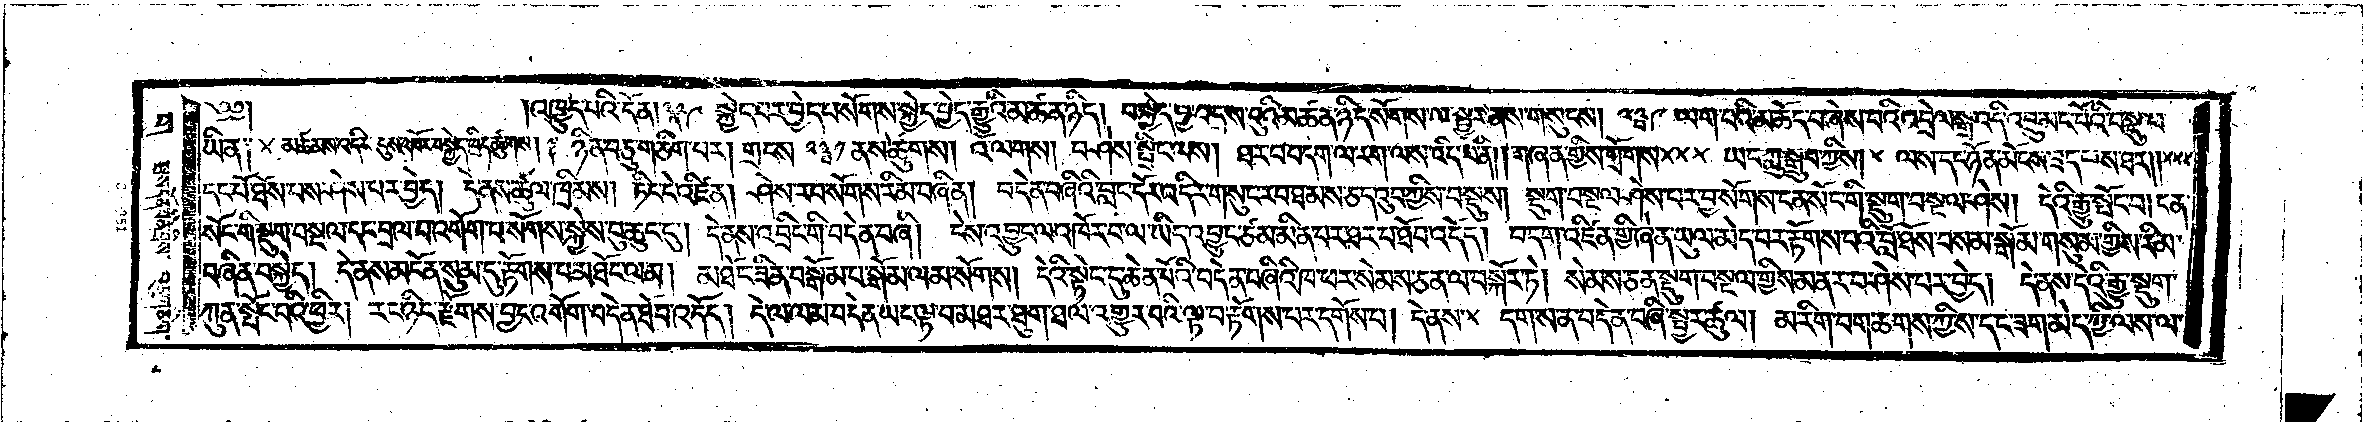༄༅། །འཁྱུད་པའི་དོན ༢ན༢༩་སྐྱེད་པར་བྱེད་པ་སོགས་སྐྱེད་བྱེད་རྒྱུའི་མཚན་ཉིད། བསྐྱེད་བྱ་འདྲས་བུའི་མཚན་ཉིད་སོགས་ལ་སྦྱར་ནས་གསུངས། ༢བ༣༩་ལག་པའི་མཆོད་པ་ཞེས་བའི་འབྲེལ་སྒྲ་འདི་འབྲུ་མང་པོའི་བསྡུ་བ་
ཡིན༑ ྾་མཚམས་འདིར་དུས་འཁོར་བསྐྱེད་ཁྲིད་ཚུགས། ཉིན་བཅུ་གཅིག་པར། གྲངས ༢བ༣༡་ནས་ཚུགས། འོ་ལགས། བཤེས་སྤྲིན་ལས། ཐར་པ་བདག་ལ་རག་ལས་འདི་པ་ནི། །གཞན་གྱིས་གྲོགས་྾྾྾་ཡང་ཀླུ་སྒྲུབ་ཀྱིས། ྾་ལས་དང་ཉོན་མོངས་ཟད་པས་ཐར། །྾྾྾་
དང་པོ་ཐོས་པས་ཤེས་པར་བྱེད། དེ་ནས་ཚུལ་ཁྲིམས། ཏིང་ངེ་འཛིན། ཤེས་རབ་སོགས་རིམ་བཞིན། བདེན་བཞིའི་བླང་དོར་འདིར་གསུང་རབ་ཐམས་ཅད་འུབ?་ཀྱིས་བསྡུས། སྡུག་བསྔལ་ཤེས་པར་བྱ་སོགས་ངན་སོང་གི་སྡུག་བསྔལ་ཤེས། དེའི་རྒྱུ་སྤོང་བ། ངན་
སོང་གི་སྡུག་བསྔལ་དང་བྲལ་པ་འགོག་པ་སོགས་སྐྱེས་བུ་ཆུང་ངུ། དེ་ནས་འབྲིང་གི་བདེན་བཞིན། ངེས་འབྱུང་ལ་འཁོར་བ་ལ་ཡིད་འབྱུང་ཙམ་མིན་པར་ཐར་པ་ཐོབ་འདོད། བདག་འཛིན་གྱི་ཞེན་ཡུལ་མེད་པར་རྟོགས་པའི་བློ་ཐོས་བསམ་སྒོམ་གསུམ་གྱིས་རིམ་
བཞིན་བསྐྱེད། དེ་ནས་མངོན་སུམ་དུ་རྟོགས་པ་མཐོང་ལམ། མཐོང་ཟིན་བསྒོམ་པ་ལམ་སོགས། དེའི་སྟེང་དུ་ཆེན་པོའི་བདེན་བཞིའི་ཁ་ཕར་སེམས་ཅན་ལ་བསྐོར་ཏེ། སེམས་ཅན་སྡུག་བསྔལ་གྱི་སྨན་རབ་ཤེས་པར་བྱེད། དེ་ནས་དེའི་རྒྱུ་སྡུག་
ཀུན་སྤོང་བའི་ཕྱིར། རང་ཉིད་རྫོགས་བྱང་འགོག་བདེན་ཐོབ་འདོད། དེ་ལ་ལམ་བདེན་ཡང་ལྟ་བ་མཐར་ཐུག་ཐལ་འགྱུར་བའི་ལྟ་བ་རྟོགས་པར་དགོས་པ། དེ་ནས་྾་དག་སན་བདེན་གཞི་སྦྱར་ཚུལ། མ་རིག་བག་ཆགས་ཀྱིས་དང་ཟག་མེད་ཀྱི་ལས་ལ་